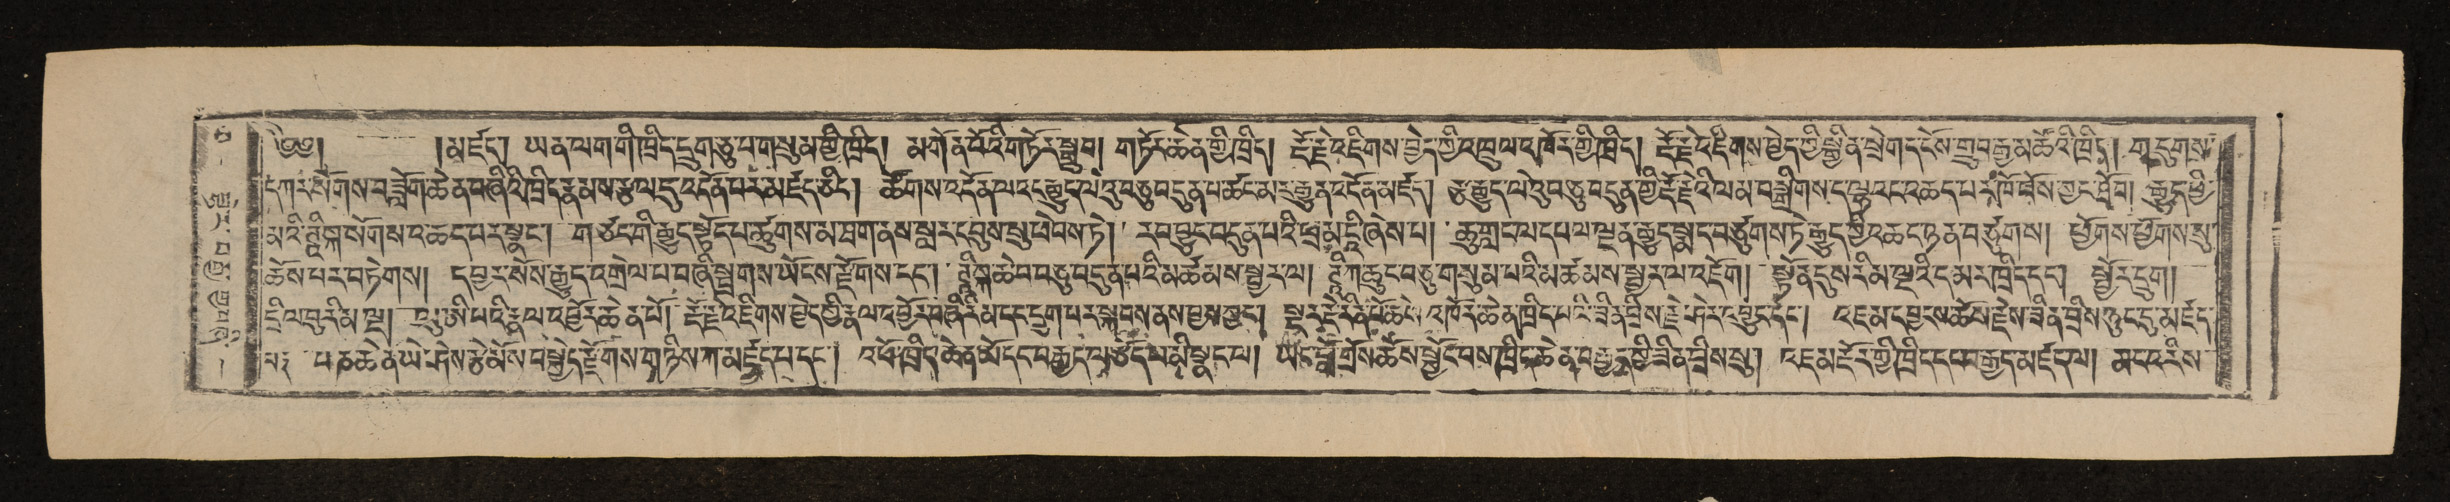༄༅། །མཛད། ཡན་ལག་གི་ཁྲིད་དྲུག་ཅུ་པ་གསུམ་གྱི་ཁྲིད། མགོན་པོའི་གཏོར་སྒྲུབ། གཏོར་ཆེན་གྱི་ཁྲིད། རྡོ་རྗེ་འཇིགས་བྱེད་ཀྱི་འཁྲུལ་འཁོར་གྱི་ཁྲིད། རྡོ་རྗེ་འཇིགས་བྱེད་ཀྱི་སྦྱིན་སྲེག་དངོས་གྲུབ་རྒྱ་མཚོའི་ཁྲིད། གདུགས་
དཀར་སོགས་བཟློག་ཆེན་བཞིའི་ཁྲིད་རྣམས་རྩལ་དུ་འདོན་པར་མཛད་ཅིང་། ཚོགས་འདོན་ལའང་རྒྱུད་ལེའུ་བཅུ་བདུན་པ་ཚང་མར་རྒྱུན་འདོན་མཛད། རྩ་རྒྱུད་ལེའུ་བཅུ་བདུན་གྱི་རྡོ་རྗེའི་ལམ་བསྒྲིགས་ད་ལྟའང་འཆད་པར་ཁོ་བོས་ཀྱང་ཐོབ། རྒྱུད་ཕྱི་
མའི་ཊཱིཀྐ་སོགས་འཆད་པར་སྣང་། གཙང་གི་རྒྱུད་སྟོད་པ་ཚུགས་མ་ཐག་ནས་སླར་དབུས་སུ་ཕེབས་ཏེ། རབ་བྱུང་བདུན་པའི་པྲ་མ་དཱི་ཞེས་པ། ཆུ་གླང་ལ་དཔལ་ལྡན་རྒྱུད་སྨད་བཙུགས་ཏེ་རྒྱུད་ཀྱི་འཆང་ཉན་བཙུགས། ཕྱོགས་ཕྱོགས་སུ་
ཆོས་བར་བཏེགས། དབྱར་སོས་རྒྱུད་འགྲེལ་པ་བཞི་སྦྲགས་ཡོངས་རྫོགས་དང་། ཊཱིཀྐ་ཆེ་བ་བཅུ་བདུན་པའི་མཚམས་སྦྱར་ལ། ཊཱིཀ་ཆུང་བཅུ་གསུམ་པའི་མཚམས་སྦྱར་ལ་འཇོག། སྟོན་དུས་རིམ་ལྔའི་དམར་ཁྲིད་དང་། སྦྱོར་དྲུག།
དྲིལ་བུ་རིམ་ལྔ། ལུ་ཨི་པའི་རྣལ་འབྱོར་ཆེན་པོ། རྡོ་རྗེ་འཇིགས་བྱེད་ཀྱི་རྣལ་འབྱོར་བཞི་རིམ་དང་དྲུག་པར་སྐབས་ནས་བྱས་ཀྱང་། སྔར་རྗེ་རིན་པོ་ཆེས་འཁོར་ཆེན་ཁྲིད་པའི་ཟིན་བྲིས་རྗེ་ཤེར་འབྱུང་དང་། འཇམ་དབྱངས་ཆོས་རྗེས་ཟིན་བྲིས་ཉུང་ངུ་མཛད་
པ༑ པཎ་ཆེན་ཡེ་ཤེས་རྩེ་མོས་བསྐྱེད་རྫོགས་གཉིས་ཀ་མཛད་པ་དང་། འཕོ་ཁྲིད་ཆེན་མོ་དང་བརྒྱད་ལ་རྩོད་པ་མི་སྣང་ལ། ཡང་བློ་གྲོས་ཆོས་སྐྱོང་བས་ཁྲིད་ཆེན་བརྒྱད་ཀྱི་ཟིན་བྲིས་སུ། འཇམ་རྡོར་གྱི་ཁྲིད་དང་བརྒྱད་མཛད་ལ། མངའ་རིས་